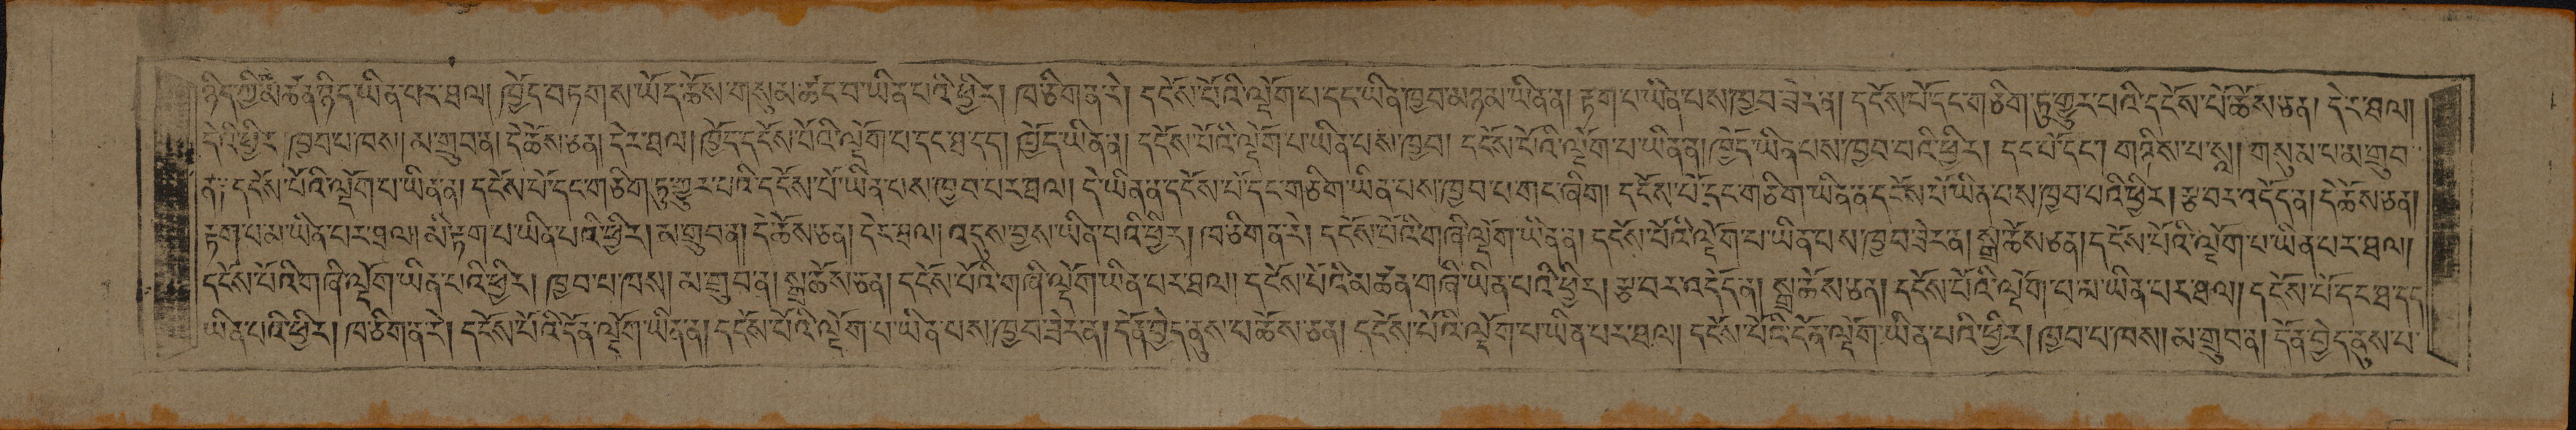ཉིད་ཀྱི་མཚན་ཉིད་ཡིན་པར་ཐལ། ཁྱོད་བཏགས་ཡོད་ཆོས་གསུམ་ཚང་བ་ཡིན་པའི་ཕྱིར། ཁ་ཅིག་ན་རེ། དངོས་པོའི་ལྡོག་པ་དང་ཡིན་ཁྱབ་མཉམ་ཡིན་ན། རྟག་པ་ཡིན་པས་ཁྱབ་ཟེར་ན། དངོས་པོ་དང་གཅིག་ཏུ་གྱུར་པའི་དངོས་པོ་ཆོས་ཅན། དེར་ཐལ།
དེའི་ཕྱིར། ཁྱབ་པ་ཁས། མ་གྲུབ་ན། དེ་ཆོས་ཅན། དེར་ཐལ། ཁྱོད་དངོས་པོའི་ལྡོག་པ་དང་ཐ་དད། ཁྱོད་ཡིན་ན། དངོས་པོའི་ལྡོག་པ་ཡིན་པས་ཁྱབ། དངོས་པོའི་ལྡོག་པ་ཡིན་ན། ཁྱོད་ཡིན་པས་ཁྱབ་པའི་ཕྱིར། དང་པོ་དང་། གཉིས་པ་སླ། གསུམ་པ་མ་གྲུབ་
ན༑ དངོས་པོའི་ལྡོག་པ་ཡིན་ན། དངོས་པོ་དང་གཅིག་ཏུ་གྱུར་པའི་དངོས་པོ་ཡིན་པས་ཁྱབ་པར་ཐལ། དེ་ཡིན་ན་དངོས་པོ་དང་གཅིག་ཡིན་པས་ཁྱབ་པ་གང་ཞིག །དངོས་པོ་དང་གཅིག་ཡིན་ན་དངོས་པོ་ཡིན་པས་ཁྱབ་པའི་ཕྱིར། རྩ་བར་འདོད་ན། དེ་ཆོས་ཅན།
རྟག་པ་མ་ཡིན་པར་ཐལ། མི་རྟག་པ་ཡིན་པའི་ཕྱིར། མ་གྲུབ་ན། དེ་ཆོས་ཅན། དེར་ཐལ། འདུས་བྱས་ཡིན་པའི་ཕྱིར། ཁ་ཅིག་ན་རེ། དངོས་པོའི་གཞི་ལྡོག་ཡིན་ན། དངོས་པོའི་ལྡོག་པ་ཡིན་པས་ཁྱབ་ཟེར་ན། སྒྲ་ཆོས་ཅན། དངོས་པོའི་ལྡོག་པ་ཡིན་པར་ཐལ།
དངོས་པོའི་གཞི་ལྡོག་ཡིན་པའི་ཕྱིར། ཁྱབ་པ་ཁས། མ་གྲུབ་ན། སྒྲ་ཆོས་ཅན། དངོས་པོའི་གཞི་ལྡོག་ཡིན་པར་ཐལ། དངོས་པོའི་མཚན་གཞི་ཡིན་པའི་ཕྱིར། རྩ་བར་འདོད་ན། སྒྲ་ཆོས་ཅན། དངོས་པོའི་ལྡོག་པ་མ་ཡིན་པར་ཐལ། དངོས་པོ་དང་ཐ་དད་
ཡིན་པའི་ཕྱིར། ཁ་ཅིག་ན་རེ། དངོས་པོའི་དོན་ལྡོག་ཡིན་ན། དངོས་པོའི་ལྡོག་པ་ཡིན་པས་ཁྱབ་ཟེར་ན། དོན་བྱེད་ནུས་པ་ཆོས་ཅན། དངོས་པོའི་ལྡོག་པ་ཡིན་པར་ཐལ། དངོས་པོའི་དོན་ལྡོག་ཡིན་པའི་ཕྱིར། ཁྱབ་པ་ཁས། མ་གྲུབ་ན། དོན་བྱེད་ནུས་པ་